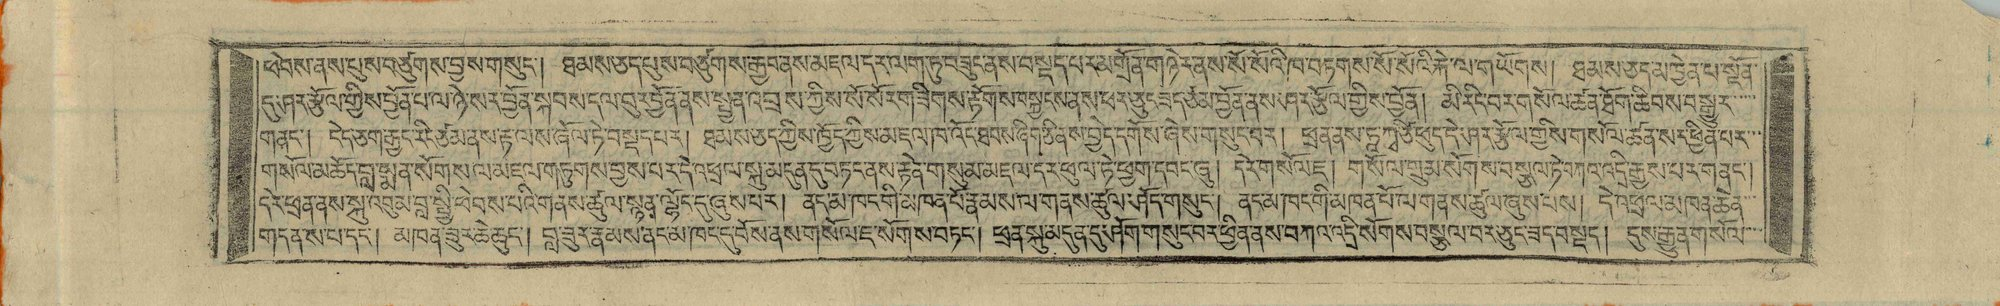ཕེབས་ནས་པུས་བཙུགས་བྱས་གསུང་། ཐམས་ཅད་པུས་བཙུགས་རྒྱབ་ནས་མཇལ་དར་ལག་ཏུ་བཟུང་ནས་བསྡད་པར་མགྲོན་གཉེར་ནས་སོ་སོའི་ཁ་བཏགས་སོ་སོའི་རྐེ་ལ་གཡོགས། ཐམས་ཅད་མཁྱེན་པ་སྔོན་
དུ་ཤར་རྩོལ་གྱིས་བྱོན་པ་ལ་ཉེ་སར་བྱོན་སྐབས་དལ་བུར་བྱོན་ནས་སྤྱན་འབྲས་ཀྱིས་སོ་སོར་གཟིགས་རྟོགས་བསྐྱངས་ནས་ཕར་ཅུང་ཟད་ཙམ་བྱོན་ནས་ཤར་རྩོལ་གྱིས་བྱོན། མི་རིང་བར་གསོལ་ཚན་ཐོག་ཆི་བས་བསྒྱུར་
གནང་། ངེད་ཅག་རྒྱང་རིང་ཙམ་ནས་རྟ་ལས་ཞོལ་ཏེ་བསྡད་པར། ཐམས་ཅད་ཀྱིས་ཁྱོད་ཀྱིས་མཇལ་ཁ་འོང་ཐབས་ཞིག་ཅི་ནས་བྱེད་དགོས་ཞེས་གསུང་བར། ཕྲན་ནས་ཏཱ་ཀྭ་ཙི་ཕུད་དེ་ཤར་རྩོལ་གྱིས་གསོལ་ཚན་སར་ཕྱིན་པར་
གསོལ་མཆོད་བླ་སྨན་སོགས་ལ་མཇལ་གཏུགས་བྱས་པར་དེ་འཕྲལ་སྐུ་མདུན་དུ་བཏང་ནས་རྟེན་གསུམ་མཇལ་དར་ཕུལ་ཏེ་ཕྱག་དབང་ཞུ། དེར་གསོལ་ཇ། གསོལ་གྲུམ་སོགས་བསྩལ་ཏེ་བཀའ་འདྲི་རྒྱས་པར་གནང་།
དེར་ཕྲན་ནས་སྐུ་འབུམ་བླ་སྤྱི་ཕེབས་པའི་གནས་ཚུལ་སྙན་ལྷོང་དུ་ཞུས་པར། ནང་མ་ཁང་གི་མཁན་པོ་རྣམས་ལ་གནས་ཚུལ་ཤོད་གསུང་། ནང་མ་ཁང་གི་མཁན་པོ་ལ་གནས་ཚུལ་ཞུས་པས། དེ་འཕྲལ་མཁན་ཆེན་
གདན་ས་པ་དང་། མཁན་ཟུར་ཆེ་ཆུང་། བླ་ཟུར་རྣམས་ནང་མ་ཁང་དུ་བོས་ནས་གསོལ་ཇ་སོགས་བཏང་། ཕྲན་སྐུ་མདུན་དུ་ཤོག་གསུང་བར་ཕྱིན་ནས་བཀའ་འདྲི་སོགས་བསྩལ་བར་ཅུང་ཟད་བསྡད། དུས་རྒྱུན་གསོལ་